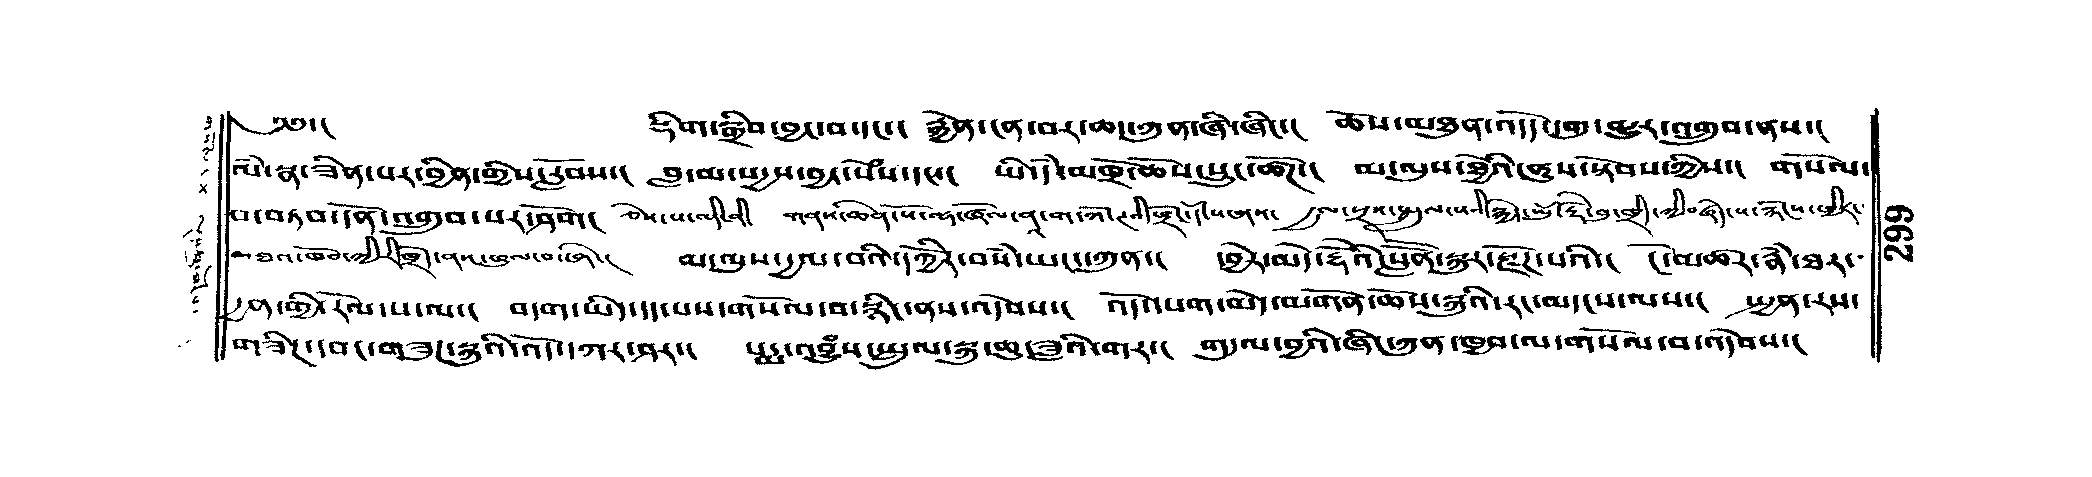སྡིག་སྒྲིབ་བྱང་བ་དང་། །རྐྱེན་ངན་བར་ཆད་ཀུན་ཞི་ཞིང་། །ཆོས་ཐུན་འདོད་དགུ་མྱུར་འགྲུབ་ནས། །
ལམ་སྣ་ཟིན་པར་བྱིན་གྱིས་རློབས། །བླ་མ་སངས་རྒྱས་བྱང་སེམས་དང་། །ཡི་དམ་མཁའ་འགྲོ་ཆོས་སྲུང་ཚོགས། །མ་ལུས་ཐུགས་རྗེའི་ནུས་སྟོབས་ཀྱིས། །གསོལ་
བ་བཏབ་དོན་འགྲུབ་པར་ཤོག ཅེས་པ་འདི་ནི་གནས་ཆེན་པོ་ལྷ་ཞོལ་ནཱ་ག་ཀོ་ཊའི་ཕོ་བྲང་དམ་པ་ནས། རྒྱལ་སྲས་སྤྲུལ་པའི་སྐྱེད་ཡུམ་རྡོ་རྗེ་བུ་ཁྲིད་ཀྱི་བཞེད་པ་སྐོང་ཕྱིར་
མཐའ་ཁོབ་ཀྱི་རི་ཁྲོད་ནས་ཕུལ་བ་དགེ། མ་ལུས་རྒྱལ་བའི་དཀྱིལ་འཁོར་བསམ་ཡས་ཀུན། །དབྱེར་མེད་རྡོ་རྗེའི་སློབ་དཔོན་སྐུར་རྫོགས་པའི། །ངོ་མཚར་རྣམ་ཐར་
རྒྱན་གྱི་རོལ་པ་ལ། །བདག་ཡིད་དད་པས་གསོལ་བ་སྙིང་ནས་འདེབས། །འོད་དཔག་མེད་མགོན་ཆོས་སྐུའི་རང་མདངས་ལས། །སྤྱན་རས་
གཟིགས་དབང་གཟུགས་སྐུའི་འོད་དཀར་ཤར། །པདྨ་འབྱུང་གནས་སྤྲུལ་སྐུ་ཆུ་ཟླའི་གར། །གདུལ་བྱའི་ཞིང་ཀུན་ཁྱབ་ལ་གསོལ་བ་འདེབས།